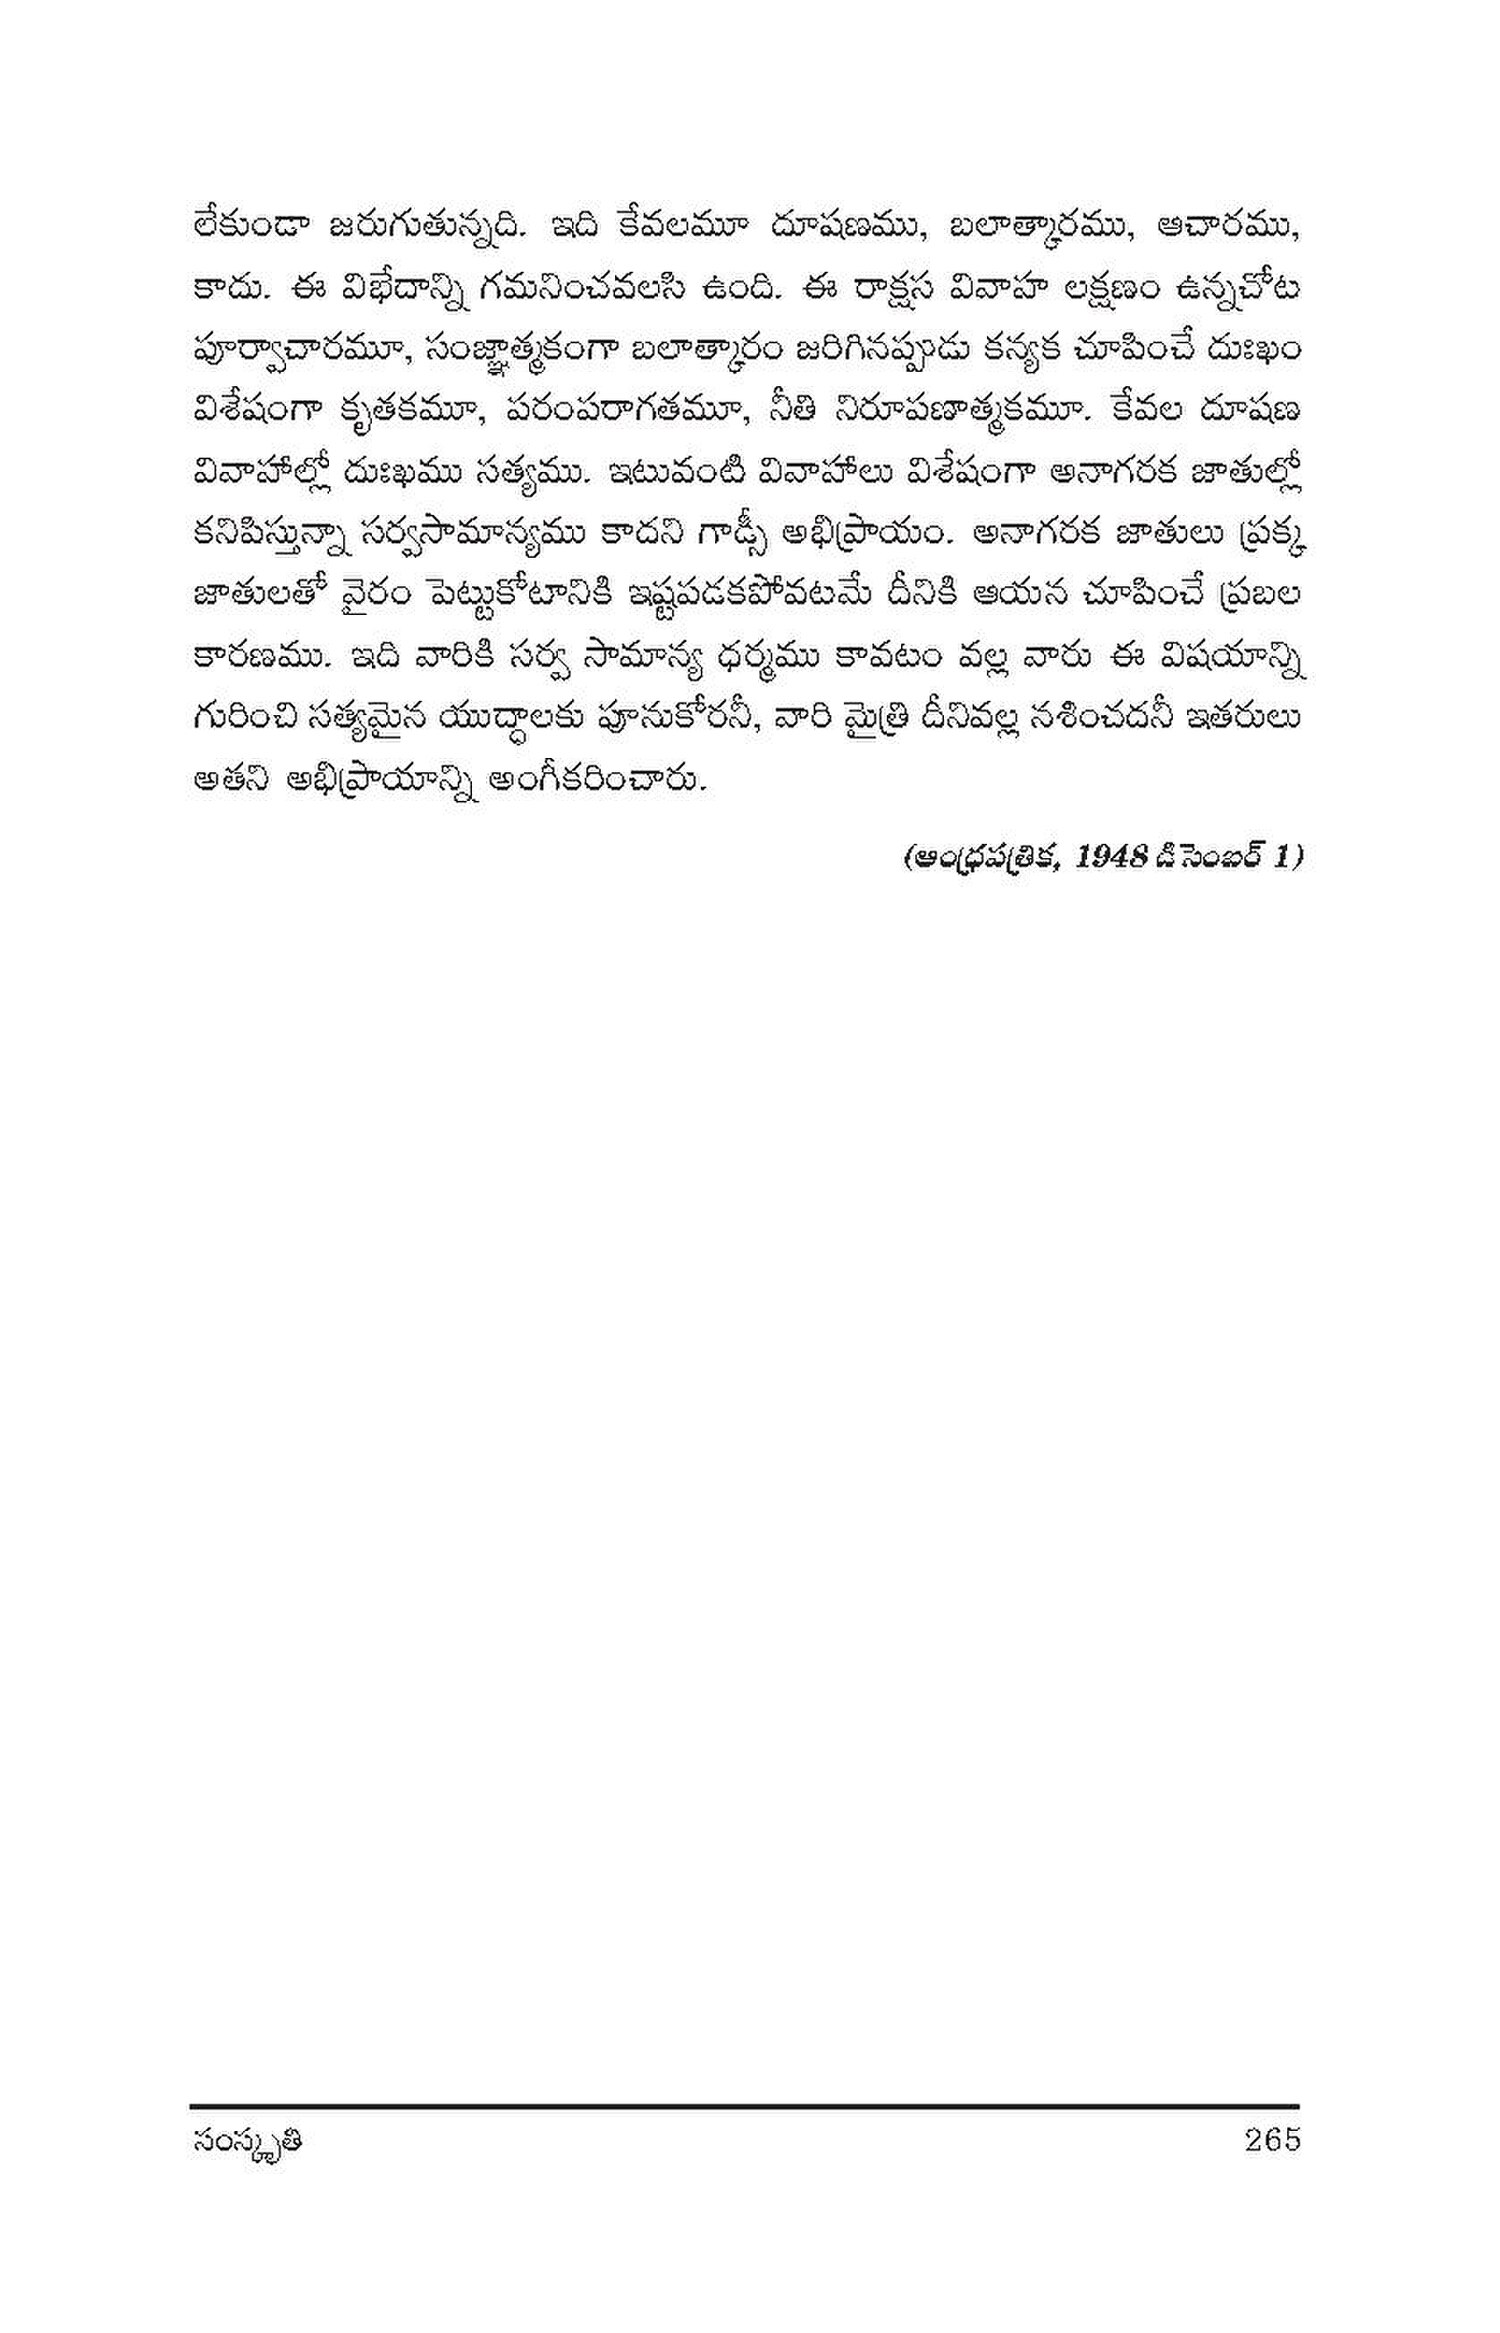లేకుండా జరుగుతున్నది. ఇది కేవలమూ దూషణము, బలాత్కారము, ఆచారము,
కాదు. ఈ విభేదాన్ని గమనించవలసి ఉంది. ఈ రాక్షస వివాహ లక్షణం ఉన్నచోట
పూర్వాచారమూ, సంజ్ఞాత్మకంగా బలాత్కారం జరిగినప్పుడు కన్యక చూపించే దుఃఖం
విశేషంగా కృతకమూ, పరంపరాగతమూ, నీతి నిరూపణాత్మకము. కేవల దూషణ
వివాహాల్లో దుఃఖము సత్యము. ఇటువంటి వివాహాలు విశేషంగా అనాగరక జాతుల్లో
కనిపిస్తున్నా సర్వసామాన్యము కాదని గాడ్సీ అభిప్రాయం. అనాగరిక జాతులు ప్రక్క
జాతులతో వైరం పెట్టుకోటానికి ఇష్టపడకపోవటమే దీనికి ఆయన చూపించే ప్రబల
కారణము. ఇది వారికి సర్వ సామాన్య ధర్మము కావటం వల్ల వారు ఈ విషయాన్ని
గురించి సత్యమైన యుద్ధాలకు పూనుకోరనీ, వారి మైత్రి దీనివల్ల నశించదనీ ఇతరులు
అతని అభిప్రాయాన్ని అంగీకరించారు.